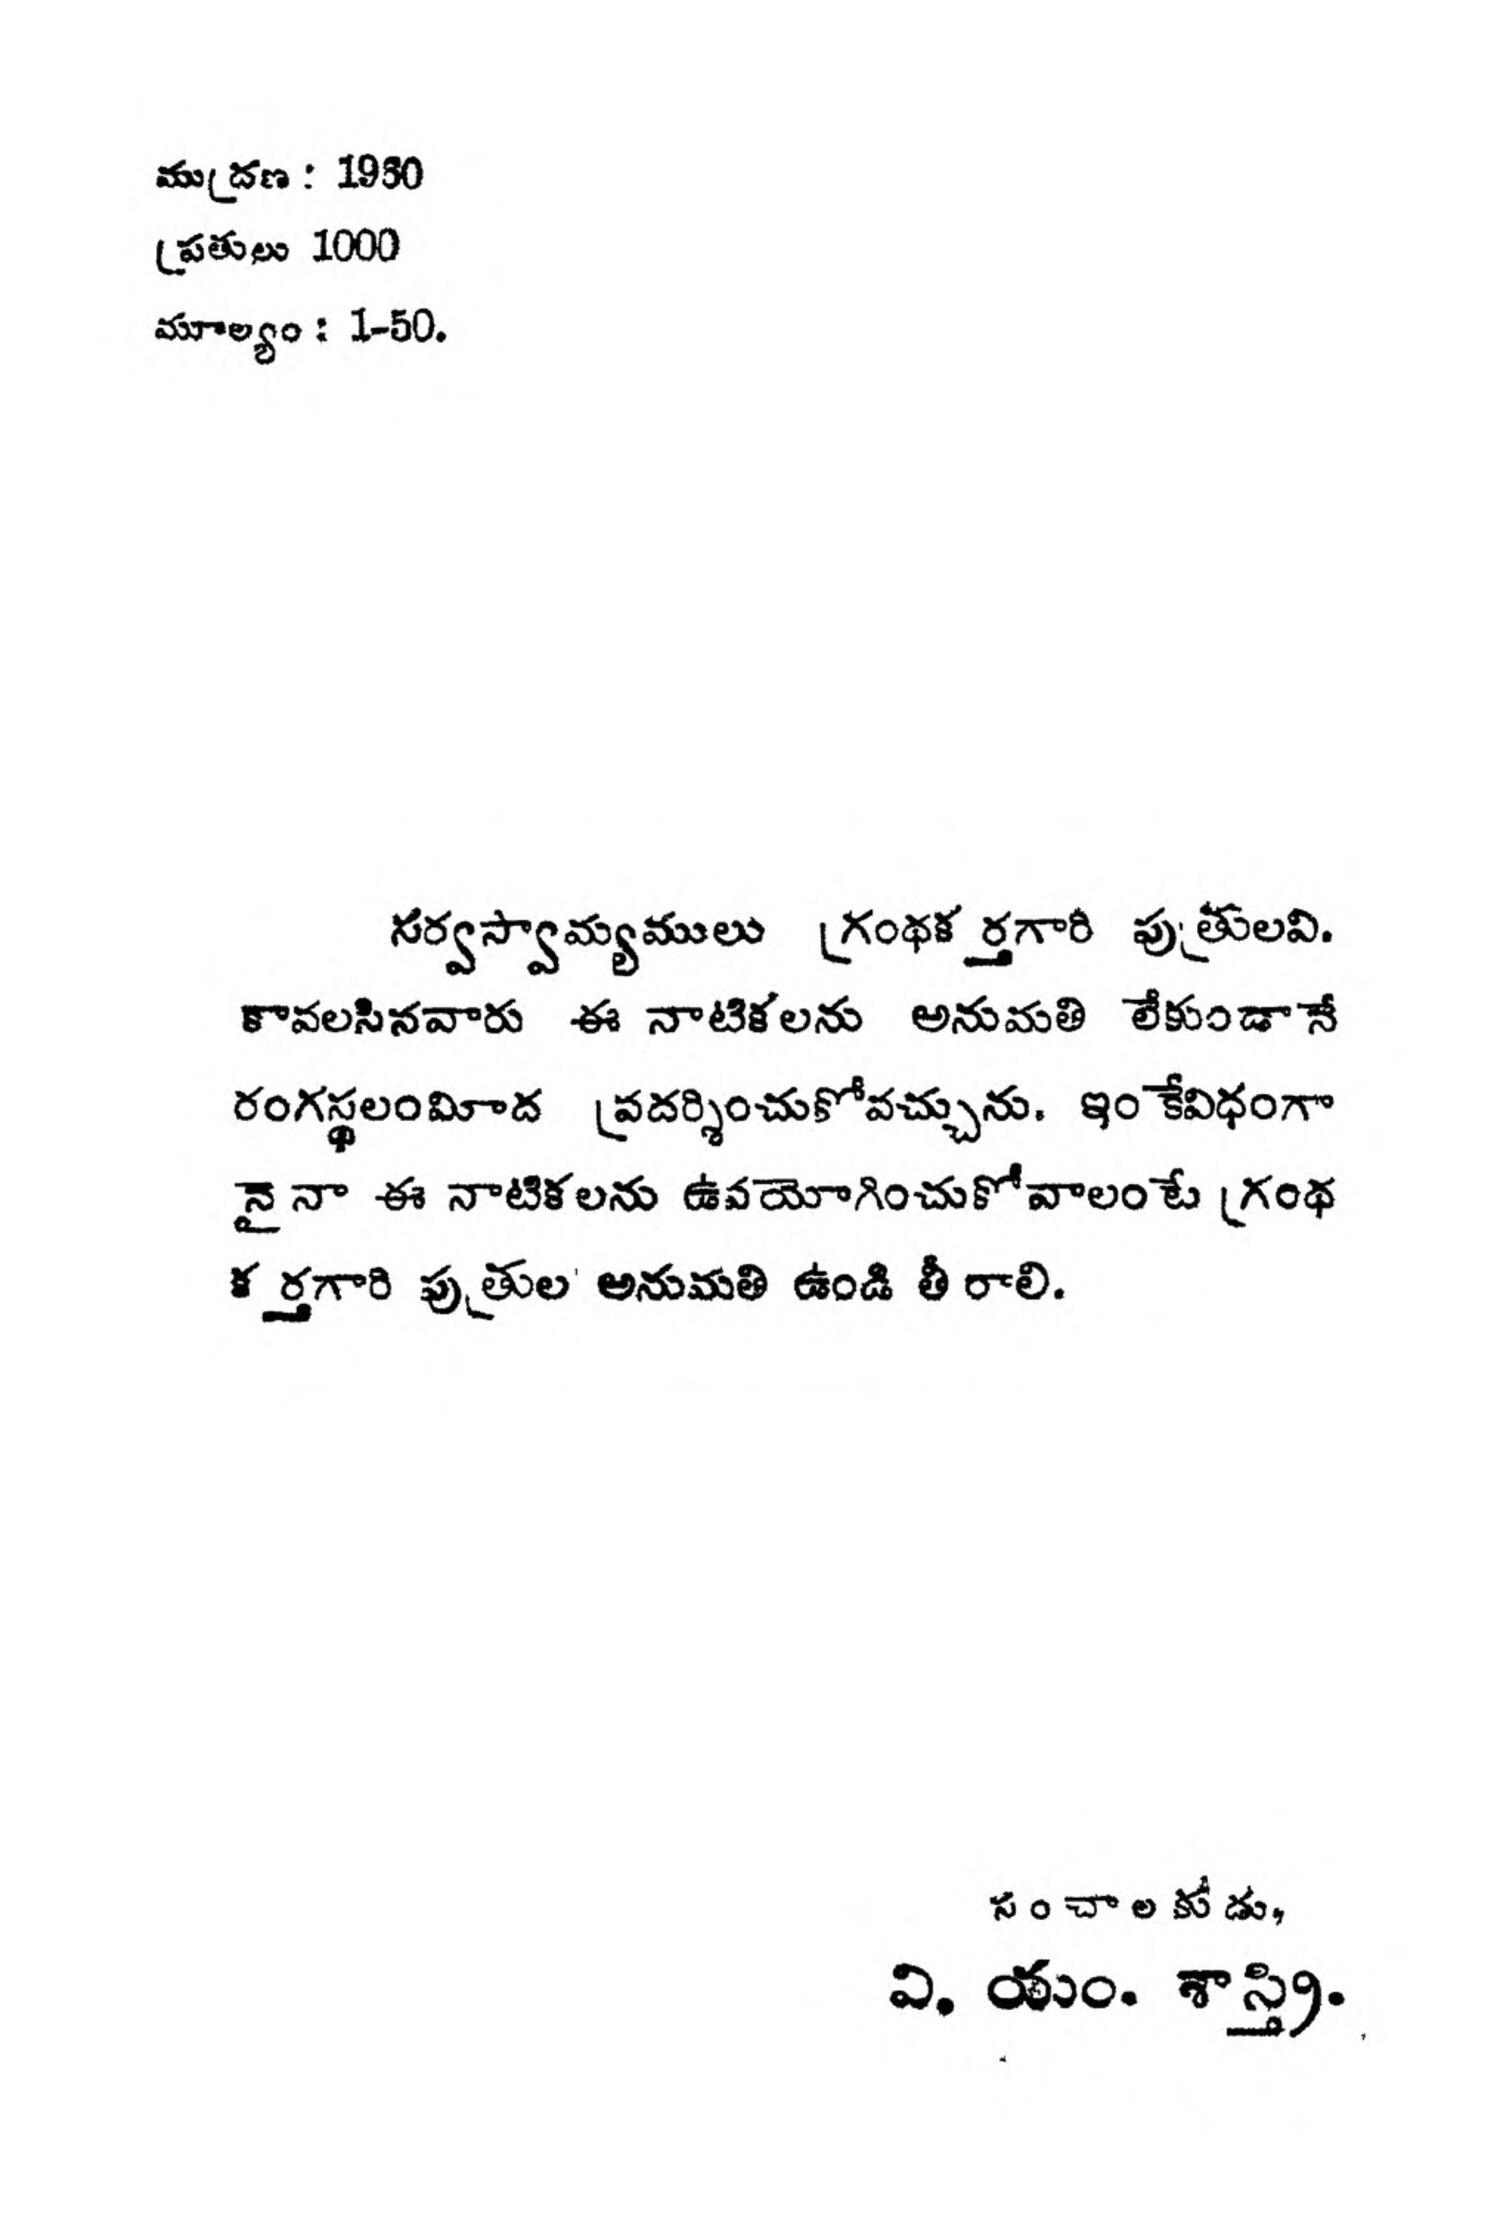ముద్రణ : 1950 

ప్రతులు 1000 

మూల్యం : 1-50. 

సర్వస్వామ్యములు గ్రంథకర్తగారి పుత్రులవి. కావలసినవారు ఈ నాటికలను అనుమతి లేకుండానే 
రంగస్థలంమీద ప్రదర్శించుకోవచ్చును. ఇంకేవిధంగా నైనా ఈ నాటికలను ఉపయోగించుకో వాలంటే గ్రంథకర్తగారి పుత్రుల అనుమతి ఉండి తీరాలి.